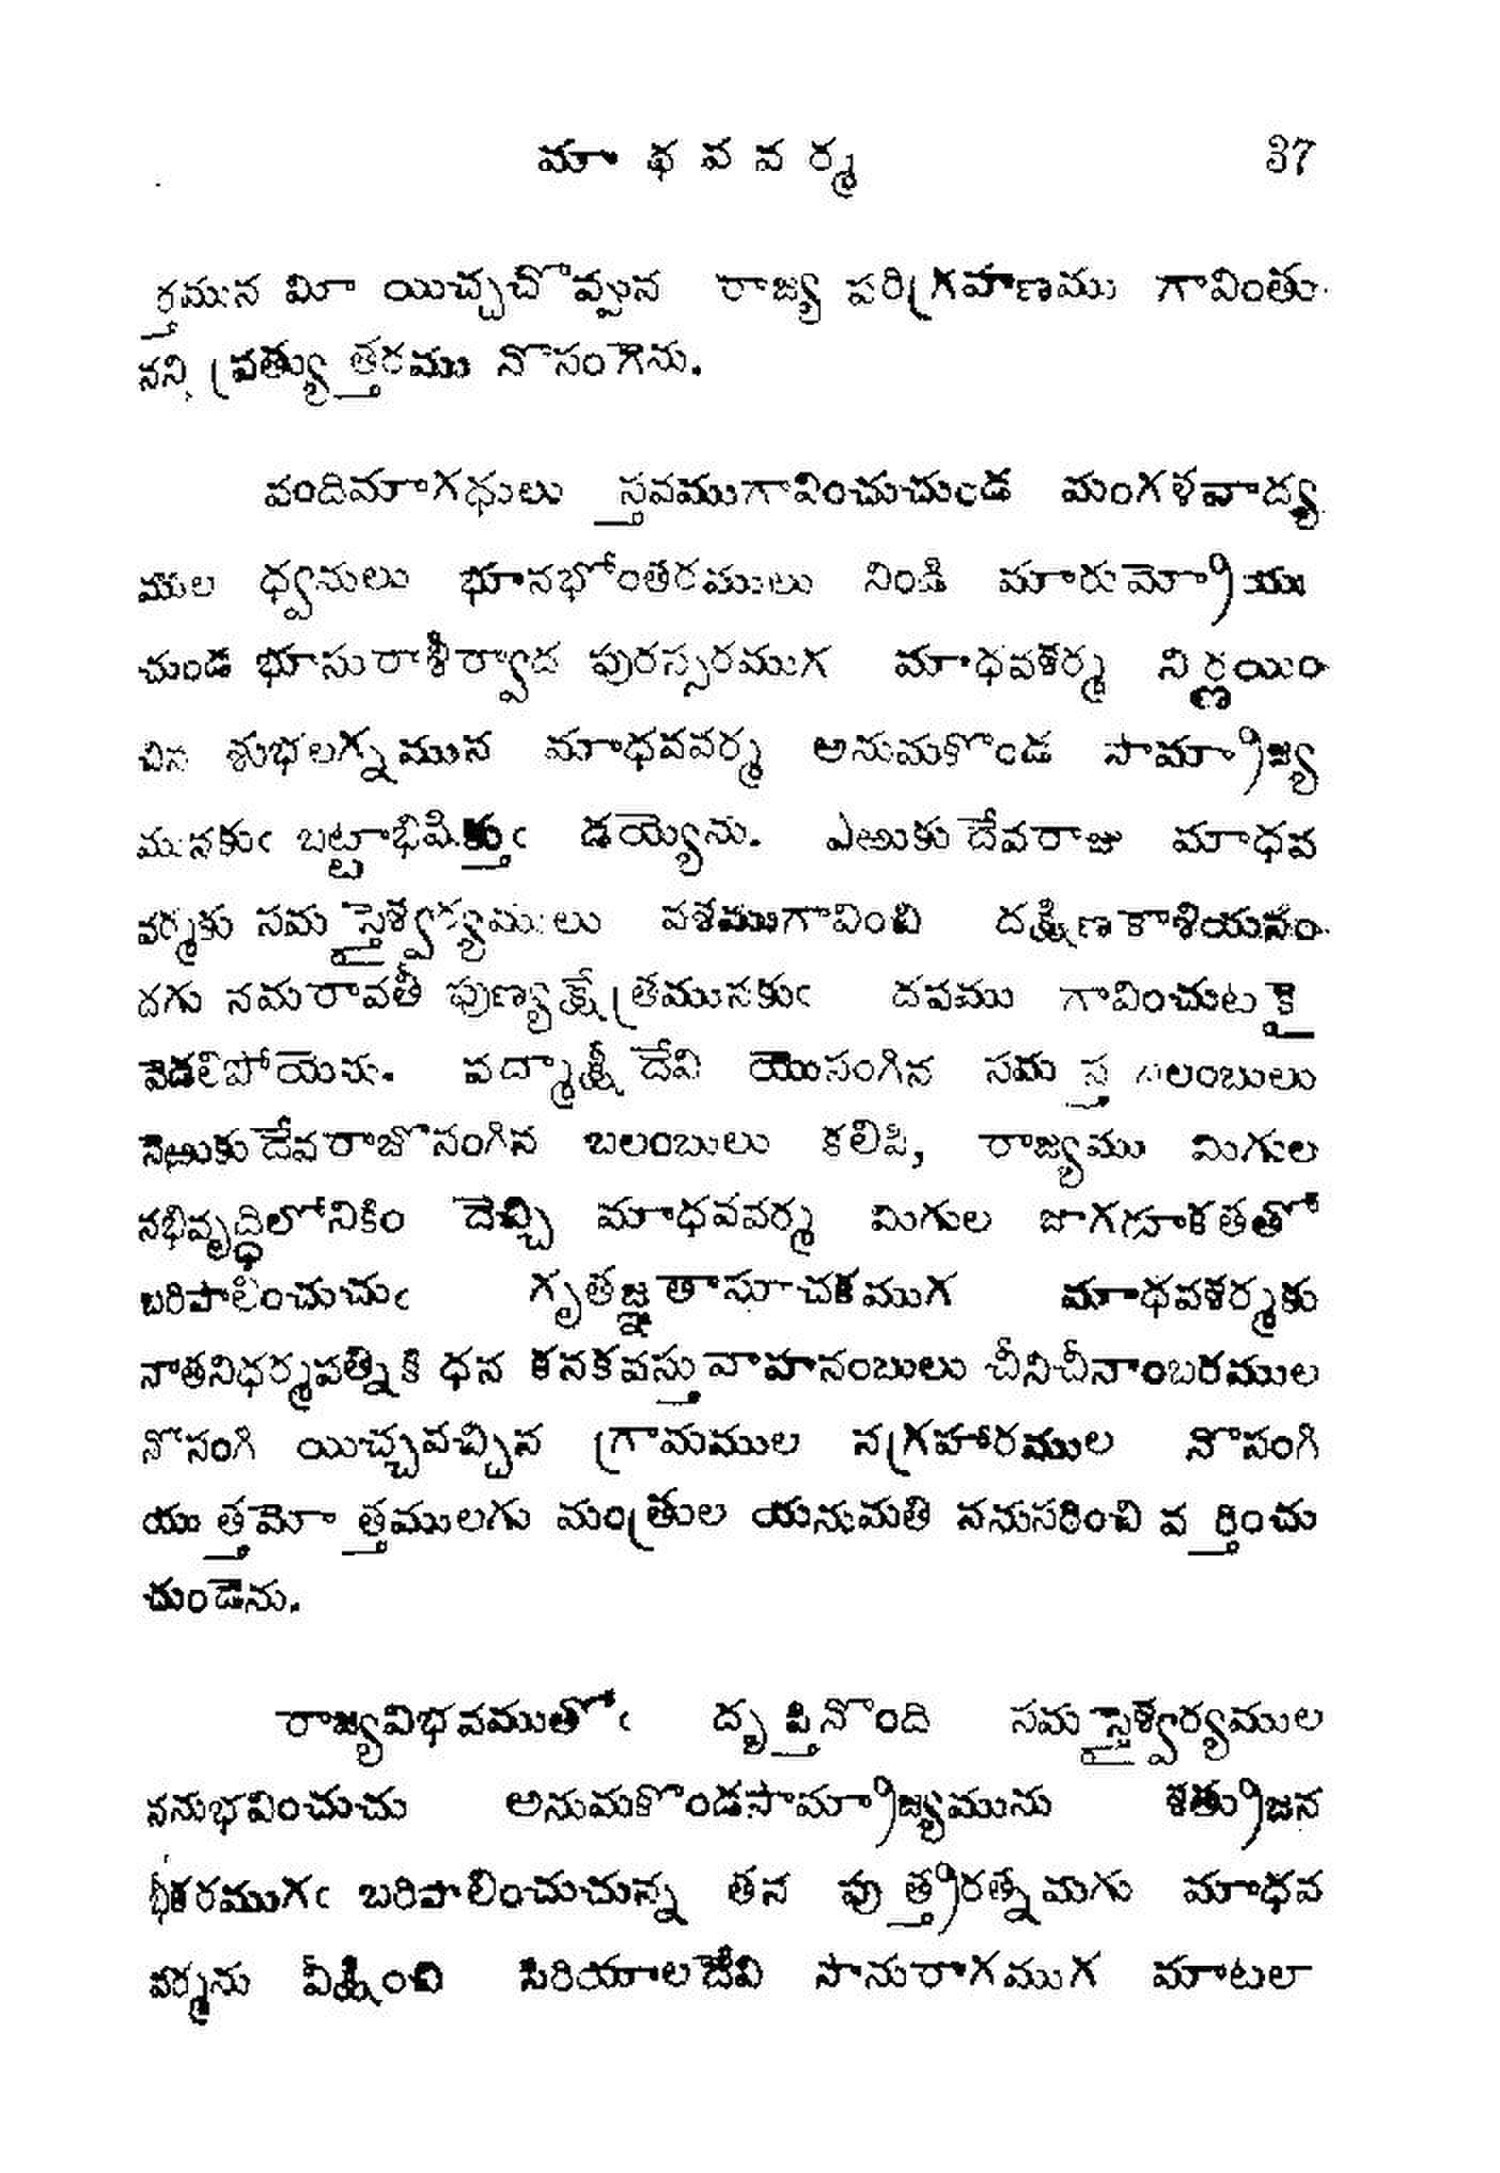ర్తమున మీ యిచ్చచొప్పున రాజ్య పరిగ్రహణము గావింతునని ప్రత్యుత్తరము నొసంగెను.

వందిమాగధులు స్తవముగావించుచుండ మంగళవాద్యముల ధ్వనులు భూనభోంతరములు నిండి మారుమ్రోయుచుండ భూసురాశీర్వాద పురస్సరముగ మాధవశర్మ నిర్ణయించిన శుభలగ్నమున మాధవవర్మ అనుమకొండ సామ్రాజ్యమునకు బట్టాభిషిక్తు డయ్యెను. ఎఱుకుదేవరాజు మాధవర్మకు సమస్తైశ్వర్యములు వశముగావించి దక్షిణకాశియనందగు నమరావతీ పుణ్యక్షేత్రమునకు దవము గావించుటకై వెడిలిపోయెను. పద్మాక్షీదేవి యొసంగిన సమస్త బలంబులు నెఱుకుదేవరాజొసంగిన బలంబులు కలిపి, రాజ్యము మిగుల నభివృద్ధిలోనికిం దెచ్చి మాధవవర్మ మిగుల జాగరూకతతో బరిపాలించుచు గృతజ్ఞతాసూచకముగ మాధవశర్మకు నాతనిదర్మపత్నికి ధన కనకవస్తువాహనంబులు చీనిచీనాంబరముల నొసంగి యిచ్చవచ్చిన గ్రామముల నగ్రహారముల నొసంగి యుత్తమోత్తములగు మంత్రుల యనుమతి ననుసరించి వర్తించు చుండెను.

రాజ్యవిభవముతో దృప్తినొంది సమస్తైశ్వర్యముల ననుభవించుచు అనుమకొండసామ్రాజ్యమును శత్రుజన భీకరముగ బరిపాలించుచున్న తన పుత్రరత్నమగు మాధవవర్మను వీక్షించి సిరియాలదేవి సానురాగముగ మాటల